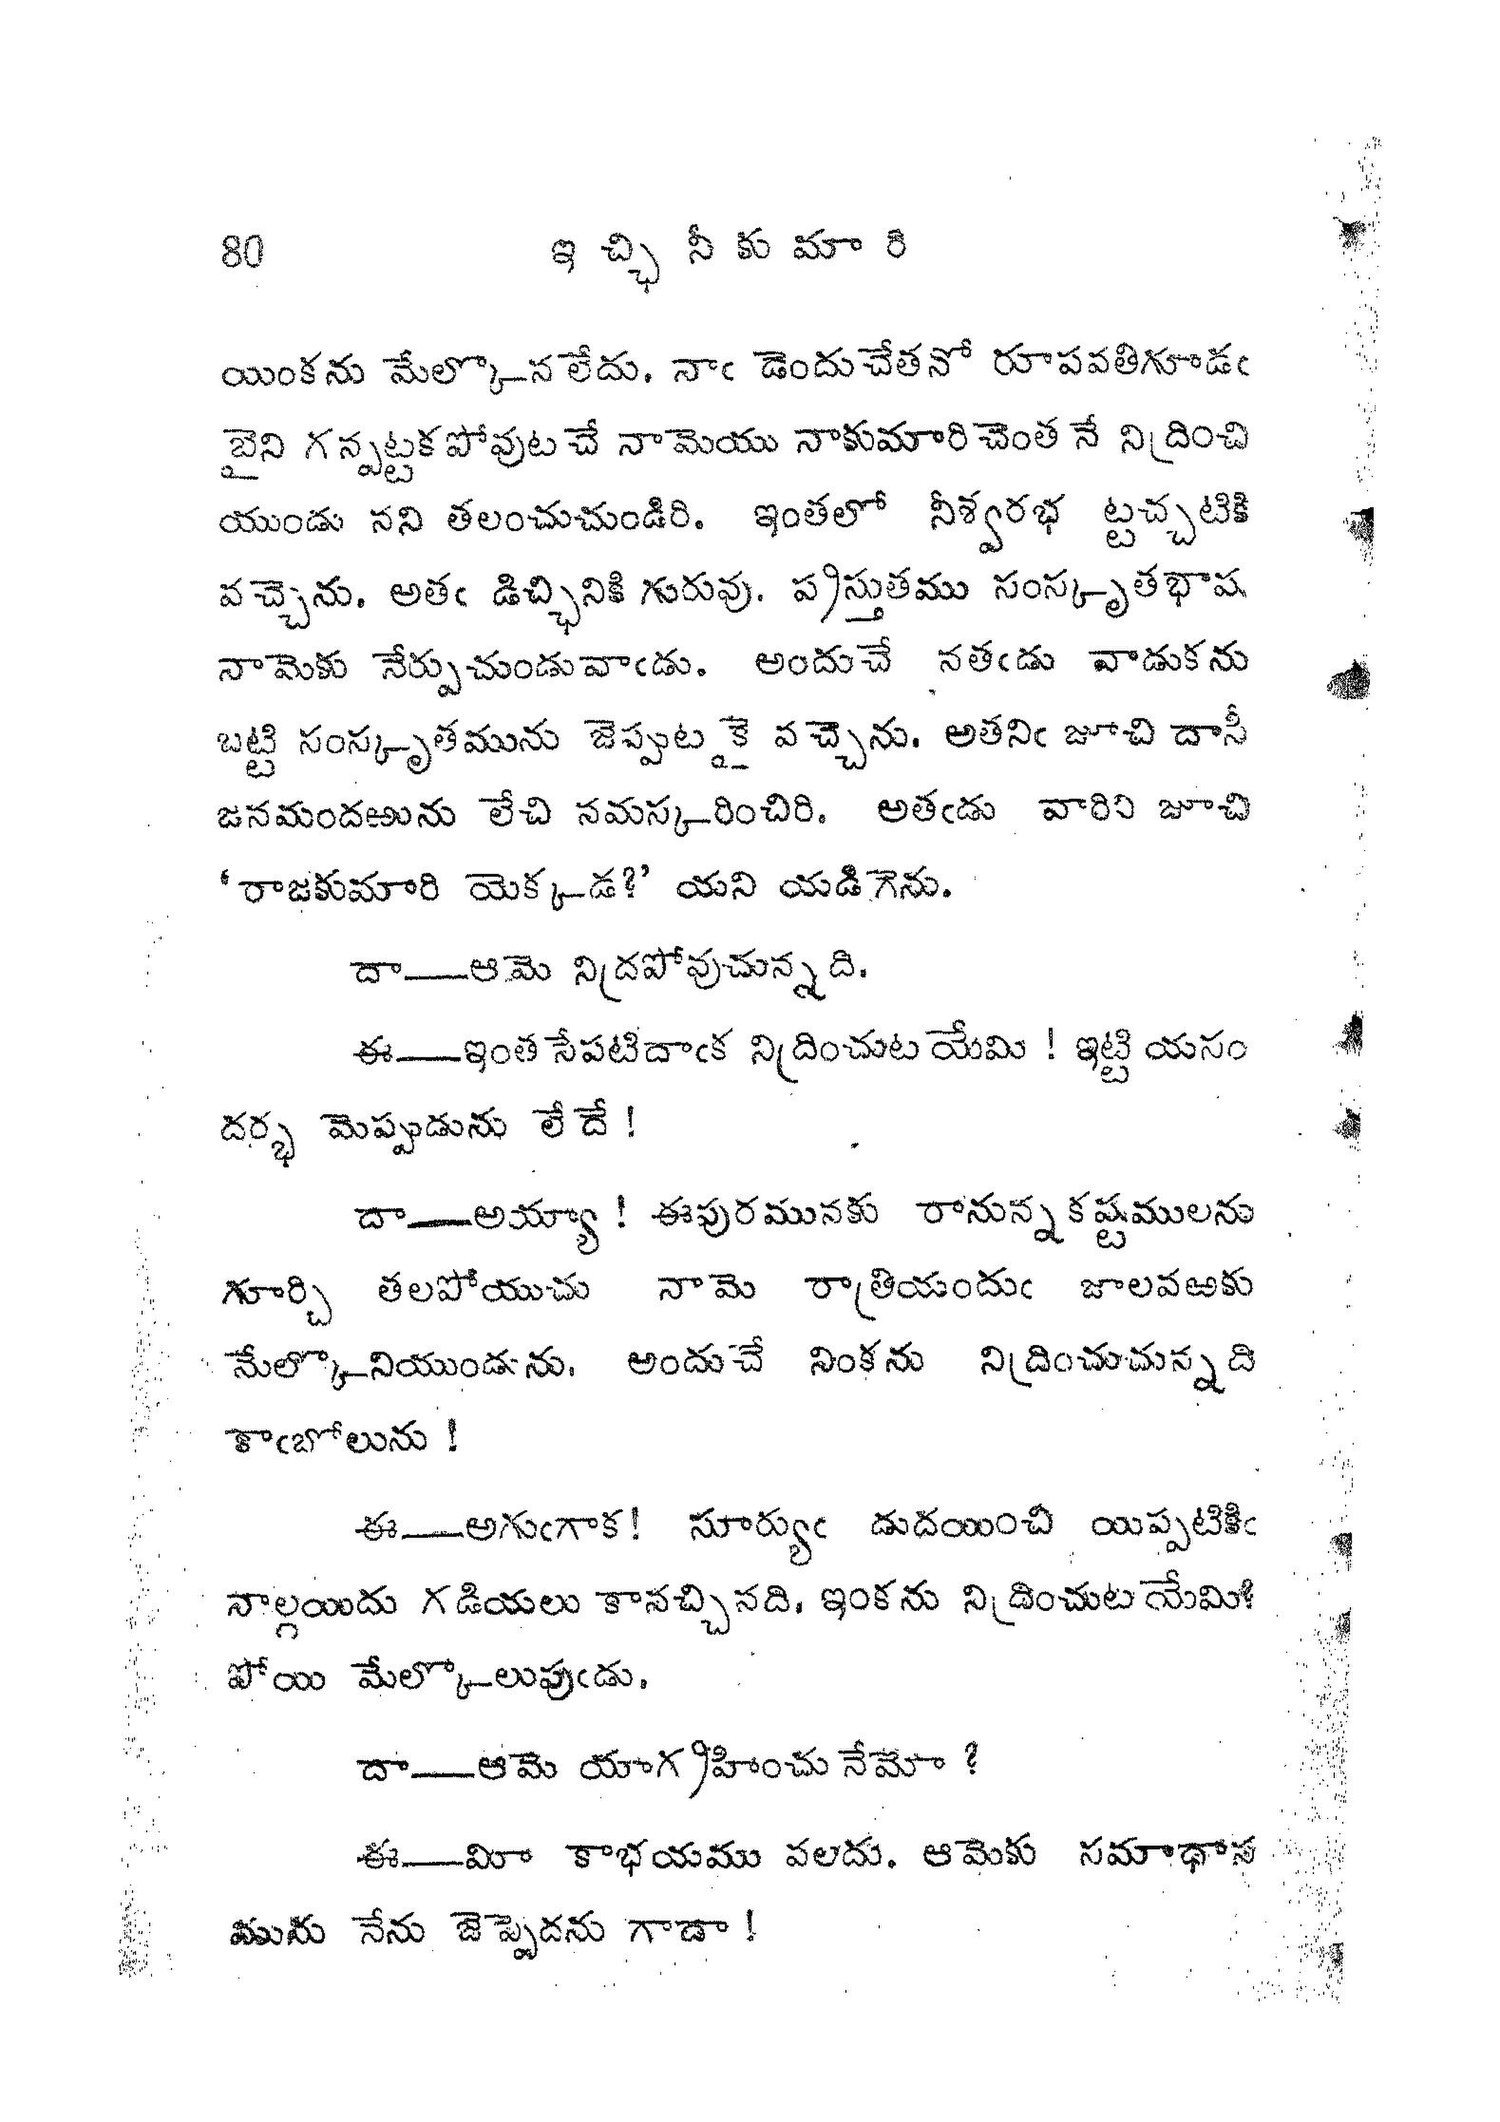యింకను మేల్కొనలేదు. నాఁ డెందు చేతనో రూపవతిగూడఁ బైని గన్పట్టక పోవుట చే నా మెయు నాకుమారి చెంత నే నిద్రించి యుండు నని తలంచుచుండిరి. ఇంతలో నీశ్వరభ టచ్చటికి వచ్చెను. అతఁ డిచ్చినికి గురువు. ప్రస్తుతము సంస్కృత భాష నామెకు నేర్పుచుండు వాఁడు. అందుచే నతఁడు వాడుకను బట్టి సంస్కృతమును జెప్పుట కై వచ్చెను. అతనిఁ జూచి దాసీ జనమందఱును లేచి నమస్కరించిరి. అతఁడు వారిని జూచి 'రాజకుమారి యెక్కడ?' యని యడిగెను.

దా::- ఆమె నిద్రపోవుచున్నది. ఈ:— ఇంత సేపటి దాక నిద్రించుట యేమి ! ఇట్టి దర్భ మెప్పుడును లేదే! దా: - అయ్యా ! ఈపురమునకు రానున్న కష్టములను గూర్చి తలపోయుచునామె రాత్రియందుఁ జాలవఱకు నుల్కొనియుండును. అందుచే నింక ను నిద్రించుచున్నది కాఁబోలును !

ఈ: అగుఁగాక! సూర్యుఁ డుదయించి యిప్పటికీ నాల్గయిదు గడియలు కానచ్చినది. ఇంకను నిద్రించుట యేమి? పోయి మేల్కొలుపుఁడు.

డా: -ఆమే యాగ్రహించు నేమో ?

ఈ: మీ కాభయము వలదు. ఆమెకు సమాధాన మును నేను జెప్పెదను గాదా !